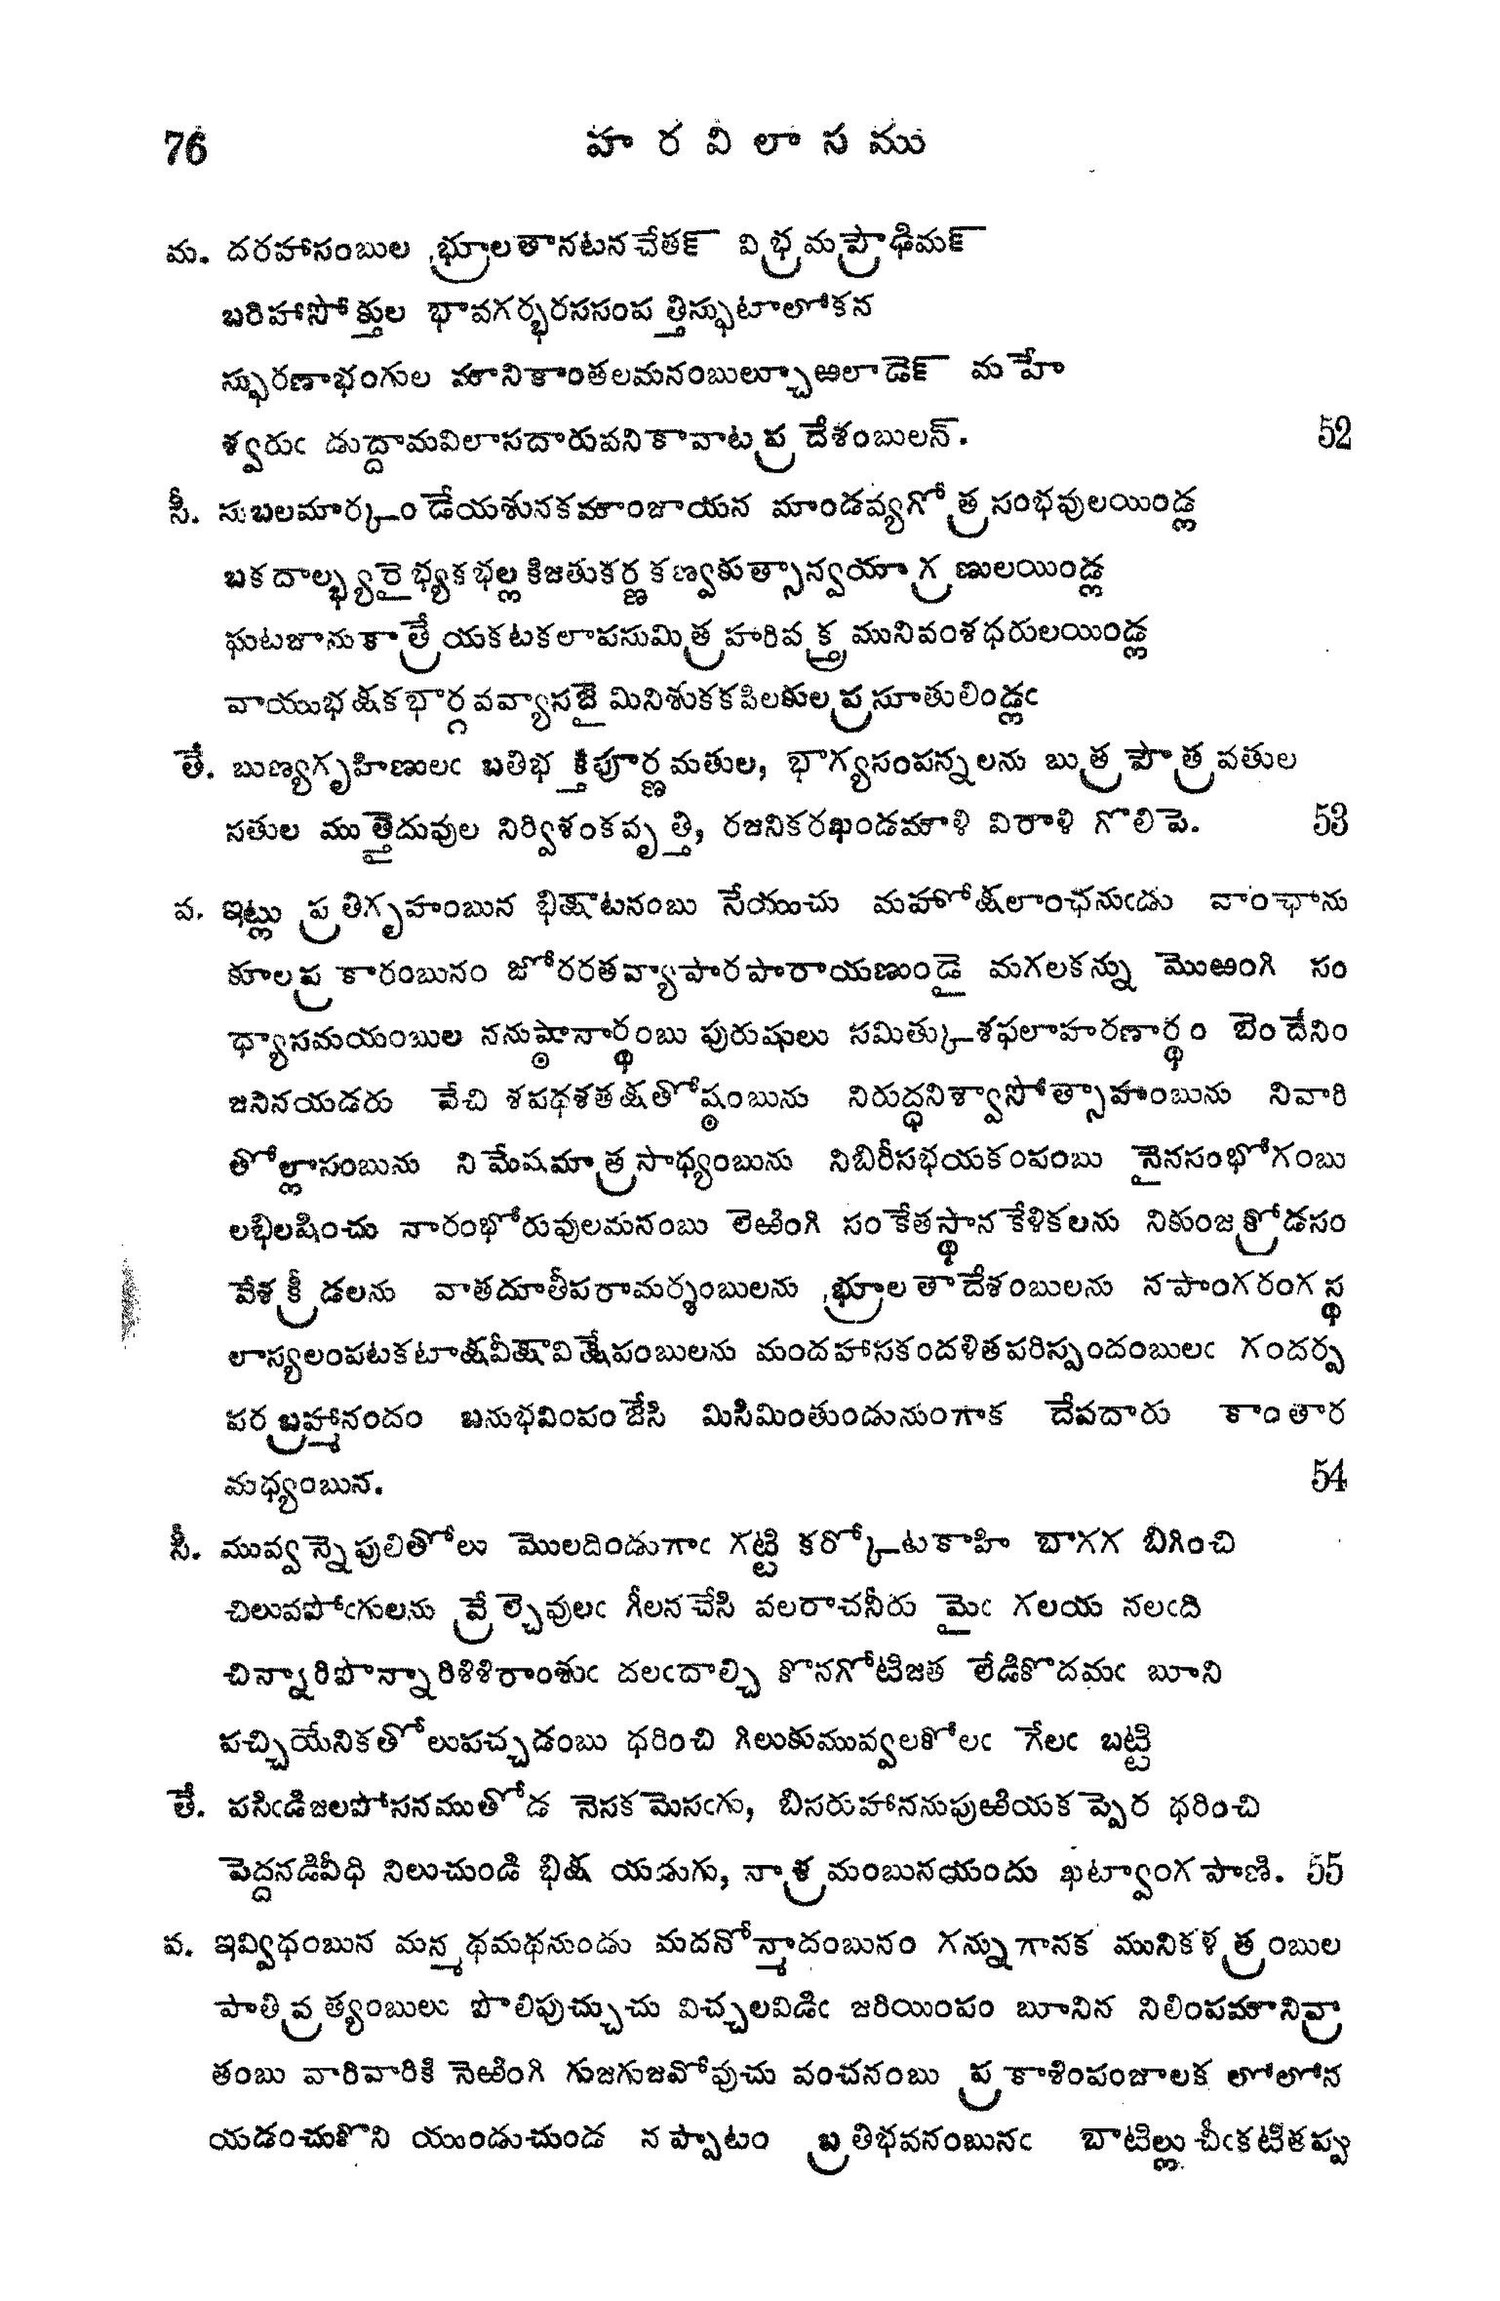మ. దరహాసంబుల భ్రూలతానటనచేతన్ విభ్రమప్రౌఢిమన్
బరిహాసోక్తుల భావగర్భరససంపత్తిస్ఫుటాలోకన
స్ఫురణాభంగుల మౌనికాంతలమనంబు ల్చూఱలాడెన్ మహే
శ్వరుఁ డుద్దామవిలాసదారువనికావాటప్రదేశంబులన్. 52

సీ. సుబలమార్కండేయశునకమౌంజాయన మాండవ్యగోత్రసంభవులయిండ్ల
బకదాల్భ్యరైభ్యకభల్లకిజతుకర్ణకణ్వకుత్సాన్వయాగ్రణులయిండ్ల
ఘటజానుకాత్రేయకటకలాపసుమిత్రహరివక్త్రమునివంశధరులయిండ్ల
వాయుభక్షకభార్గవవ్యాసజైమినిశుకకపిలకులప్రసూతులిండ్ల 
తే. బుణ్యగృహిణులఁ బతిభక్తిపూర్ణమతుల, భాగ్యసంపన్నలను బుత్రపౌత్రవతుల
సతుల ముత్తైదువుల నిర్విశంకవృత్తి, రజనికరఖండమౌళి విరాళి గొలిపె. 53 

వ. ఇట్లు ప్రతిగృహంబున భిక్షాటనంబు సేయుచు మహోక్షలాంఛనుఁడు వాంఛానుకూలప్రకారంబునం జోరరతవ్యాపారపారాయణుండై మగలకన్ను మొఱంగి సంధ్యాసమయంబుల ననుష్ఠానార్థంబు పురుషులు సమిత్కుశఫలాహరణార్థం బెందేనిం జనినయడరు వేచి శపథశతక్షతోష్ణంబును నిరుద్ధనిశ్వాసోత్సాహంబును నివారితోల్లాసంబును నిమేషమాత్రసాధ్యంబును నిబిరీసభయకంపంబు నైనసంభోగంబు లభిలషించు నారంభోరువుల మనంబు లెఱింగి సంకేతస్థానకేళికలను నికుంజక్రోడసంవేశక్రీడలను వాతదూతీపరామర్శంబులను భ్రూలతాదేశంబులను నపాంగరంగస్థలాస్యలంపటకటాక్షవీక్షావి క్షేపంబులను మందహాసకందళితపరిస్పందంబులఁ గందర్పపరబ్రహ్మానందం బనుభవింపం జేసి మిసిమింతుండునుంగాక దేవదారుకాంతారమధ్యంబున. 54

సీ. మువ్వన్నెపులితోలు మొలదిండుగాఁ గట్టి కర్కోటకాహి బాగగ బిగించి
చిలువపోఁగులను వ్రే ల్చెవులఁ గీలన చేసి వలరాచనీరు మైఁ గలయ నలఁది
చిన్నారిపొన్నారిశిశిరాంశుఁ దలఁదాల్చి కొనగోటిజత లేడికొదమఁ బూని
పచ్చియేనికతోలుపచ్చడంబు ధరించి గిలుకుమువ్వలకోలఁ గేలఁ బట్టి 
తే. పసిఁడిజలపోసనముతోడ నెసఁక మెసఁగు, బిసరుహాననుపుఱియకప్పెర ధరించి
పెద్దనడివీథి నిలుచుండి భిక్ష యడుగు, నాశ్రమంబునయందు ఖట్వాంగపాణి. 55

వ. ఇవ్విధంబున మన్మథమథనుండు మదనోన్మాదంబునం గన్నుగానక మునికళత్రంబుల
పాతివ్రత్యంబులు పొలిపుచ్చుచు విచ్చలవిడిఁ జరియింపం బూనిన నిలింపమౌనివ్రాతంబు వారివారికి నెఱింగి గుజగుజవోవుచు వంచనంబు ప్రకాశింపంజాలక లోలోన యడంచుకొని యుండుచుండ నప్పాటం బ్రతిభవనంబునఁ బాటిల్లు చీఁకటితప్పు